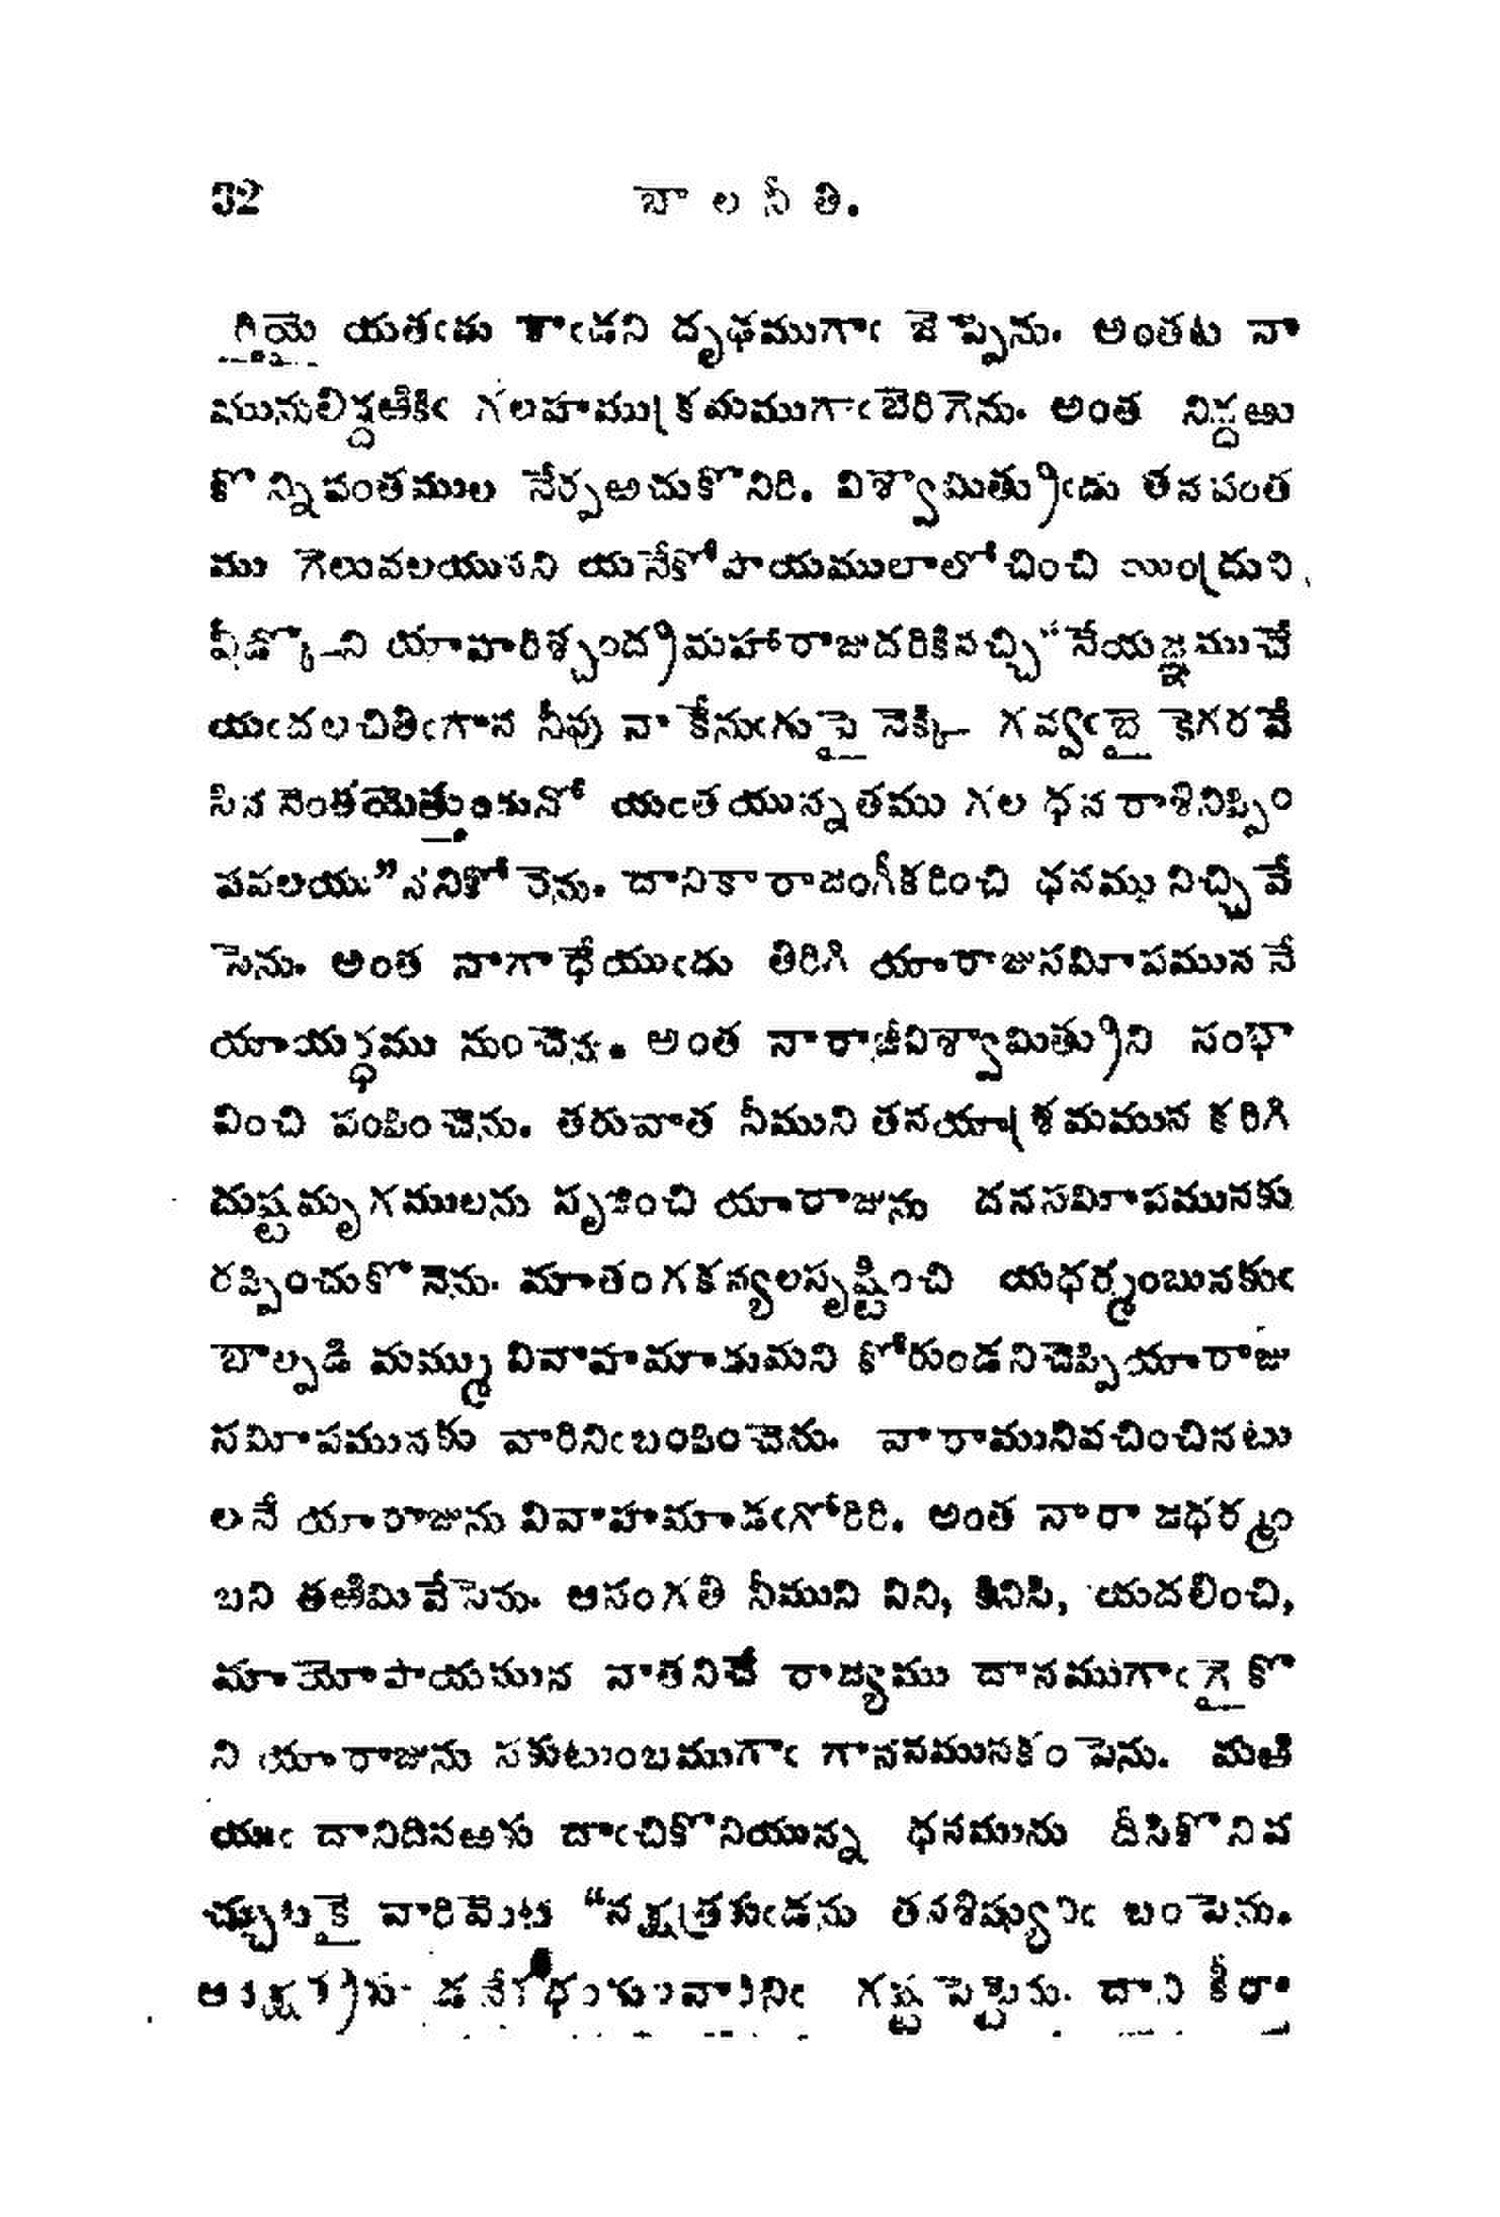ర్తియై యతఁడు కాఁడని దృఢముగాఁ జెప్పెను. అంతట నా
మునులిద్దఱికిఁ గలహముక్రమముగాఁబెరిగెను. అంత నిద్దఱు 
కొన్నిపంతముల నేర్పఱచుకొనిరి. విశ్వామిత్రుఁడు తనపంత
ము గెలువవలయునని యనేకోపాయములాలోచించి యింద్రుని
వీడ్కొని యాహరిశ్చంద్రమహారాజుదరికివచ్చి "నేయజ్ఞముచే
యఁదలచితిఁగాన నీవు నా కేనుఁగుపైనెక్కి గవ్వఁబై కెగరవే
సిన నెంతయెత్తుండునో యంత యున్నతము గల ధనరాశినిప్పిం
పవలయు" ననికోరెను. దానికారాజంగీకరించి ధనము నిచ్చివే
సెను. అంత నాగాధేయుఁడు తిరిగి యారాజుసమీపముననే 
యాయర్ధము నుంచెను. అంత నారాజీవిశ్వామిత్రుని సంభా
వించి పంపించెను. తరువాత నీముని తనయాశ్రమమున కరిగి 
దుష్టమృగములను సృజించి యారాజును దనసమీపమునకు 
రప్పించుకొనెను. మాతంగకన్యలసృష్టించి యధర్మంబునకుఁ 
బాల్పడి మమ్ము వివాహమాడుమని కోరుండనిచెప్పియారాజు 
సమీపమునకు వారినిఁబంపించెను. వారామునివచించినటు 
లనే యారాజును వివాహమాడఁగోరిరి. అంత నారా జధర్మం
బని తఱిమివేసెను. ఆసంగతి నీముని విని, కినిసి, యదలించి, 
మాయోపాయమున నాతనిచే రాజ్యము దానముగాఁగైకొ
ని యారాజును సకుటుంబముగాఁ గాననమునకంపెను. మఱి
యుఁ దానిదివఱకు దాఁచికొనియున్న ధనమును దీసికొనివ
చ్చుటకై వారివెంట "నక్షత్రకుఁడను తనశిష్యునిఁ బంపెను. 
ఆనక్షత్రకుఁ డనేకభంగులవారినిఁ గష్ట పెట్టెను. దాని కీరా